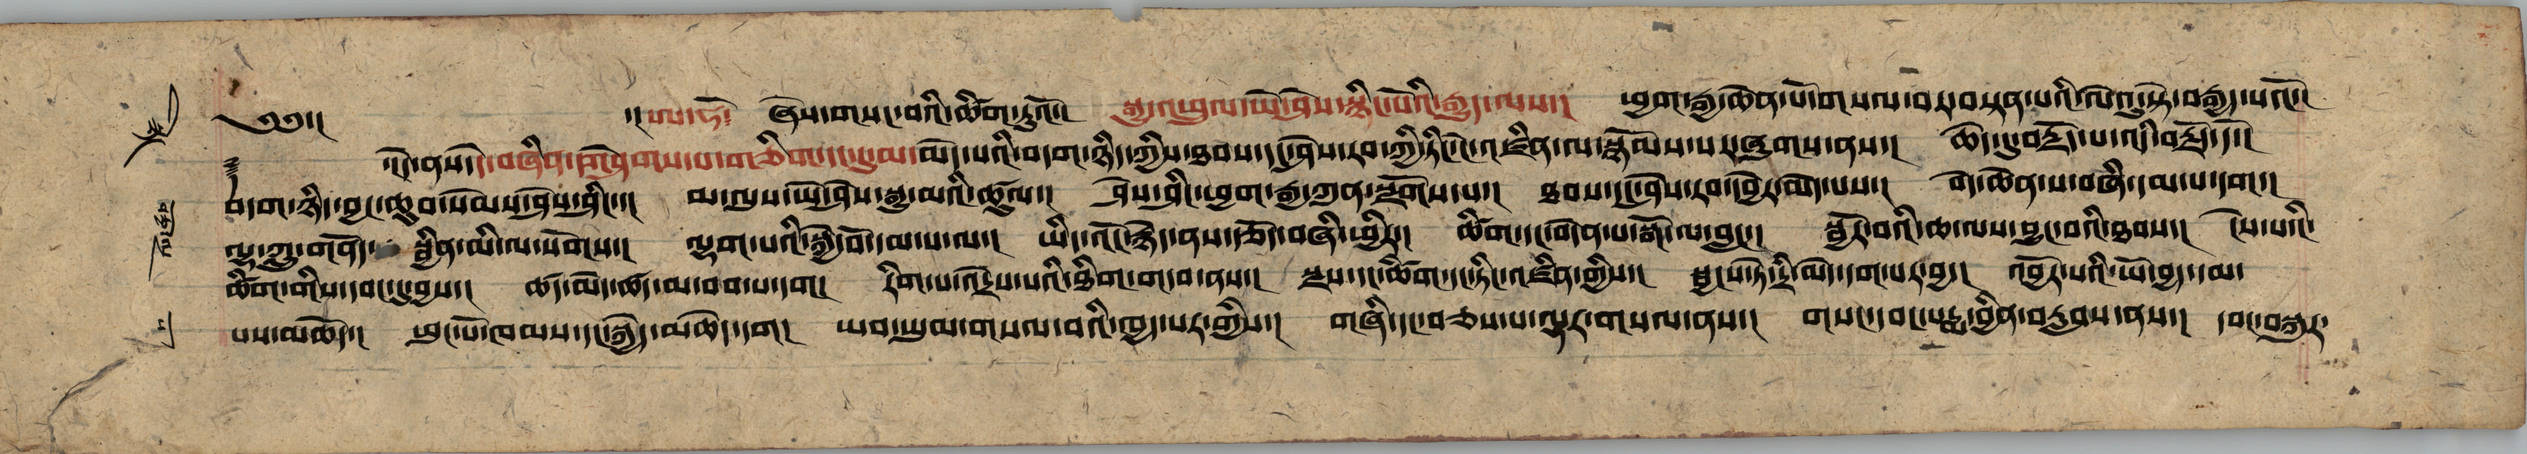༄༅་། ་།ཨ་ཧོ་ ཞེས་གསང་བའི་ཚིག་ཏུའོ་། སྒྱུ་འཕྲུལ་ཡེ་ཤེས་སྙིང་པོའི་རྒྱུད་ལས་། ཕྱག་རྒྱ་ཆེན་པོ་གསལ་བར་བསྟན་པའི་ལེའུ་སྟེ་བརྒྱད་པའོ་
་།དེ་ནས་དེ་བཞིན་གཤེགས་པ་གཅིག་དང་དུ་མ་མེད་པའི་བདག་ཉིད་ཐབས་དང་ཤེས་རབ་ཀྱི་ཏིང་ངེ་འཛིན་ལ་སྙོམས་པར་ཞུགས་ནས་། ཆེད་དུ་བརྗོད་པ་འདི་བརྗོད་དོ་།
བདག་ཉིད་བྱང་ཆུབ་སེམས་ཤེས་ཤིང་་། མ་ལུས་ཡེ་ཤེས་སྒྱུ་མའི་ཚུལ་། ཤེས་ཤིང་ཕྱག་རྒྱ་ཀུན་སྫོགས་པ་། ཐབས་དང་ཤེས་རབ་དབྱེར་མེད་པས་། བདེ་ཆེན་ས་བཞི་དམ་པ་དག་།
ལྷ་ཀླུ་གནོད་ སྦྱིན་མི་ལ་སོགས་། ལྷག་པའི་སྐྱེ་བོ་དམ་པ་ལ་། ཡིད་འོང་རྙེད་ནས་རྩོད་བཞི་ཕྱིར་། ཚིག་དང་བདེན་པ་སྒོ་ལ་བླང་། སྦྱོར་བའི་ཆ་ལས་བྱུང་བའི་ཐབས་། ངེས་པའི་
ཚིག་གིས་དབང་དུ་བྱས་། ཚད་མེད་ཚད་མ་བབ་པ་དག། རིག་པ་འདྲེས་པའི་ཐིག་གདབ་ནས་། སྫས་དང་ཚིག་དང་ཏིང་འཛིན་གྱིས་། སྦྱངས་ཏེ་དྲི་མེད་དག་པར་བྱ་། འབྱོར་པའི་ཡོ་བྱད་དམ་
པས་མཆོད་། ཕུང་པོ་ཁམས་དང་སྐྱེད་མཆེད་དག། ཡབ་ཡུམ་གསལ་བའི་ཁྱད་པར་གྱིས་། གཞི་དང་བཅས་པ་ལྷར་གསལ་ནས་། གསང་དབང་པདྨ་བྱིན་བརླབས་ནས་། དབང་བསྐུར་